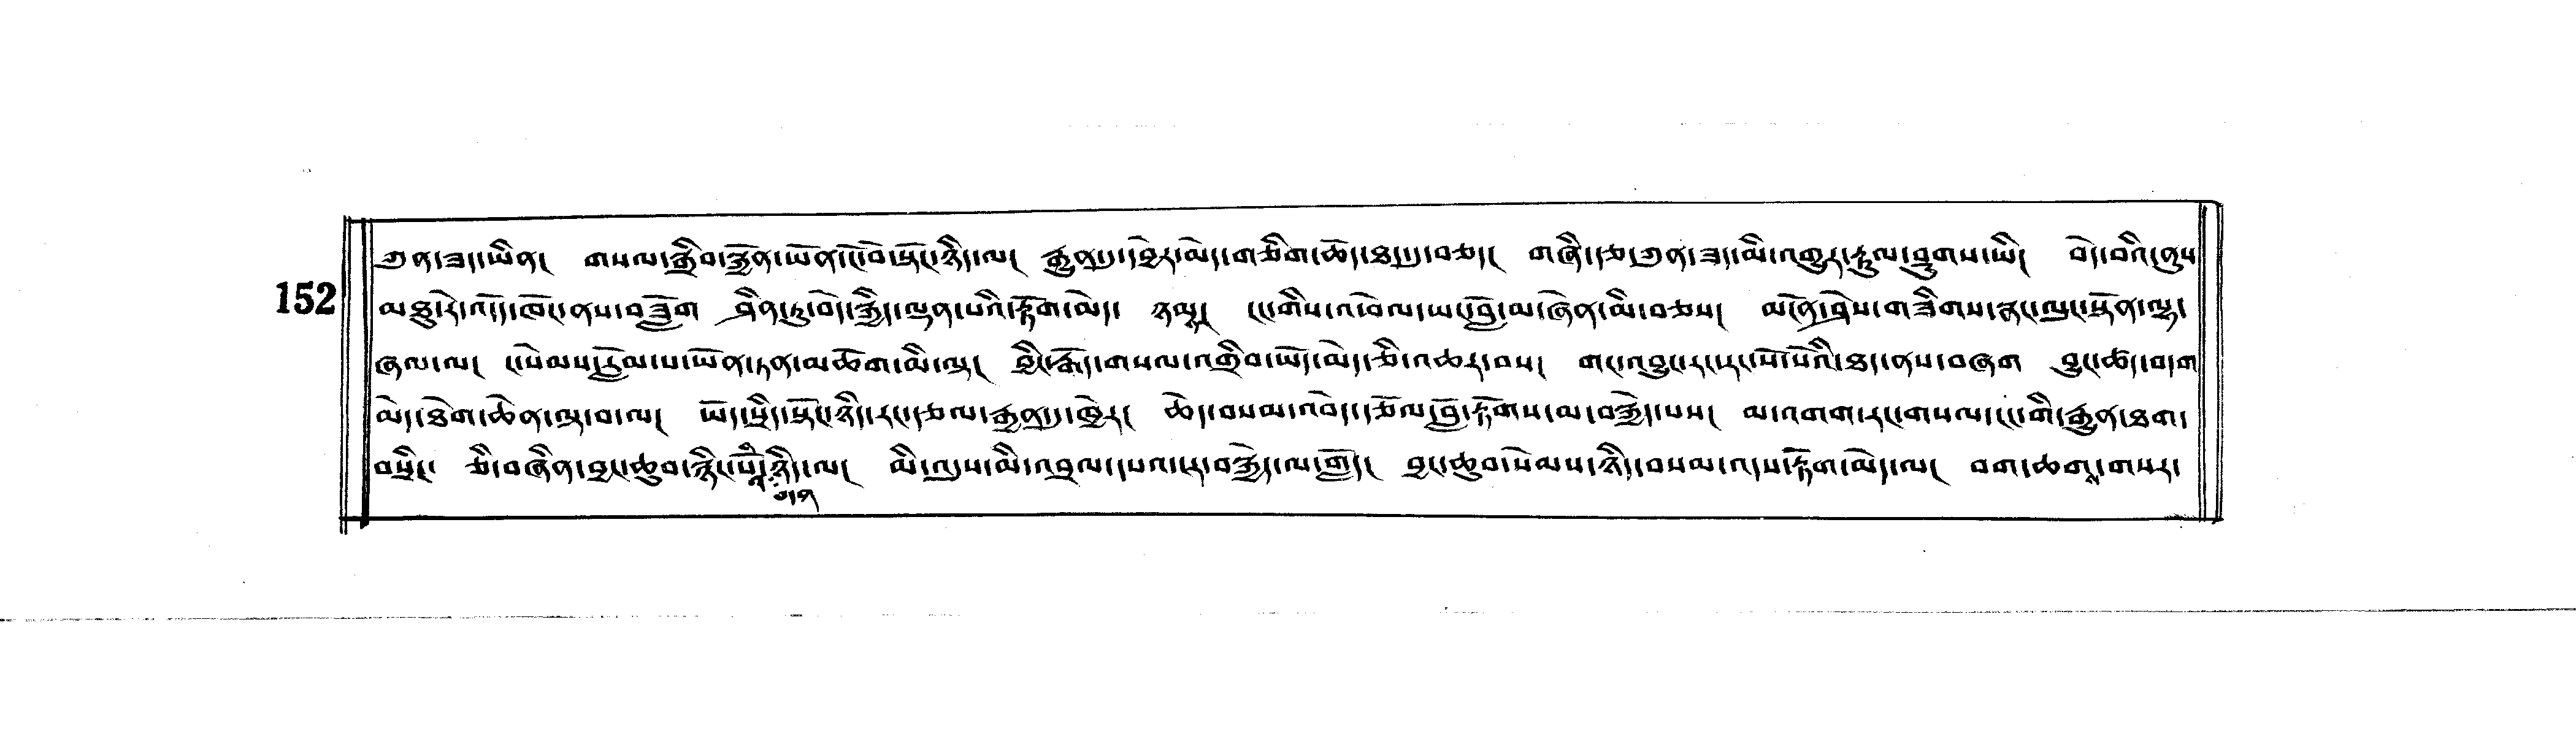ཀུན་ཟད་ཡིན། གསལ་སྒྲིབ་སྐྱོན་ཡོན་ངོ་བོ་སྟོང་ཉིད་ལ། རྒྱུན་དུ་དབྱེར་མེད་གཅིག་ཤོད་ཐད་དུ་བཅད། གཞི་རྩ་ཀུན་ཟད་མི་འགྱུར་རྟུལ་ཤུགས་ཡི། བདེ་བའི་ནུས་
མཐུ་རེ་འདོད་ཁོང་ནས་བཟློག ཤིན་ཏུ་བདེ་སྐྱིད་ལྡན་པའི་རྟོག་མེད་ཉམས། ངང་གིས་འཕེལ་ཡང་བློ་ལ་ཞེན་མི་བཅས། མངོན་ཤེས་གཟིགས་སྣང་ལུང་སྟོན་ལྷ་
ཞལ་ལ། ང་སེམས་རློམ་པ་ཡོན་ཏན་མཆོག་མི་ལྟ། བྱིང་རྒོད་གསལ་འགྲིབ་ཡོད་མེད་ཅི་འཆར་བས། གང་འབྱུང་རང་རང་སོ་སོའི་ཐད་ནས་བཞག བྱུང་ཚད་བདག་
མེད་ཐེག་ཆེན་ལྟ་བ་ལ། ཡོད་སྲིད་སྟོང་ཉིད་རང་རྩལ་རྒྱན་དུ་ཁྱེར། ཆེད་བསམ་འབད་རྩོལ་བློ་རྟོག་མ་བསྐྱེད་པས། མ་འགག་རང་གསལ་ངང་གི་རྒྱུན་ཐག་
བསྲིང་། ཅི་བཞིན་བྱང་ཆུབ་སྙིང་པོའི་བདག་ཉིད་ལ། མི་འདུས་མི་འབྲལ་དཔའ་ངར་བསྐྱེད་ལ་གློད། བྱང་ཆུབ་སེམས་ཉིད་བསམ་འདས་རྟོག་མེད་ལ། བག་ཆགས་གསར་